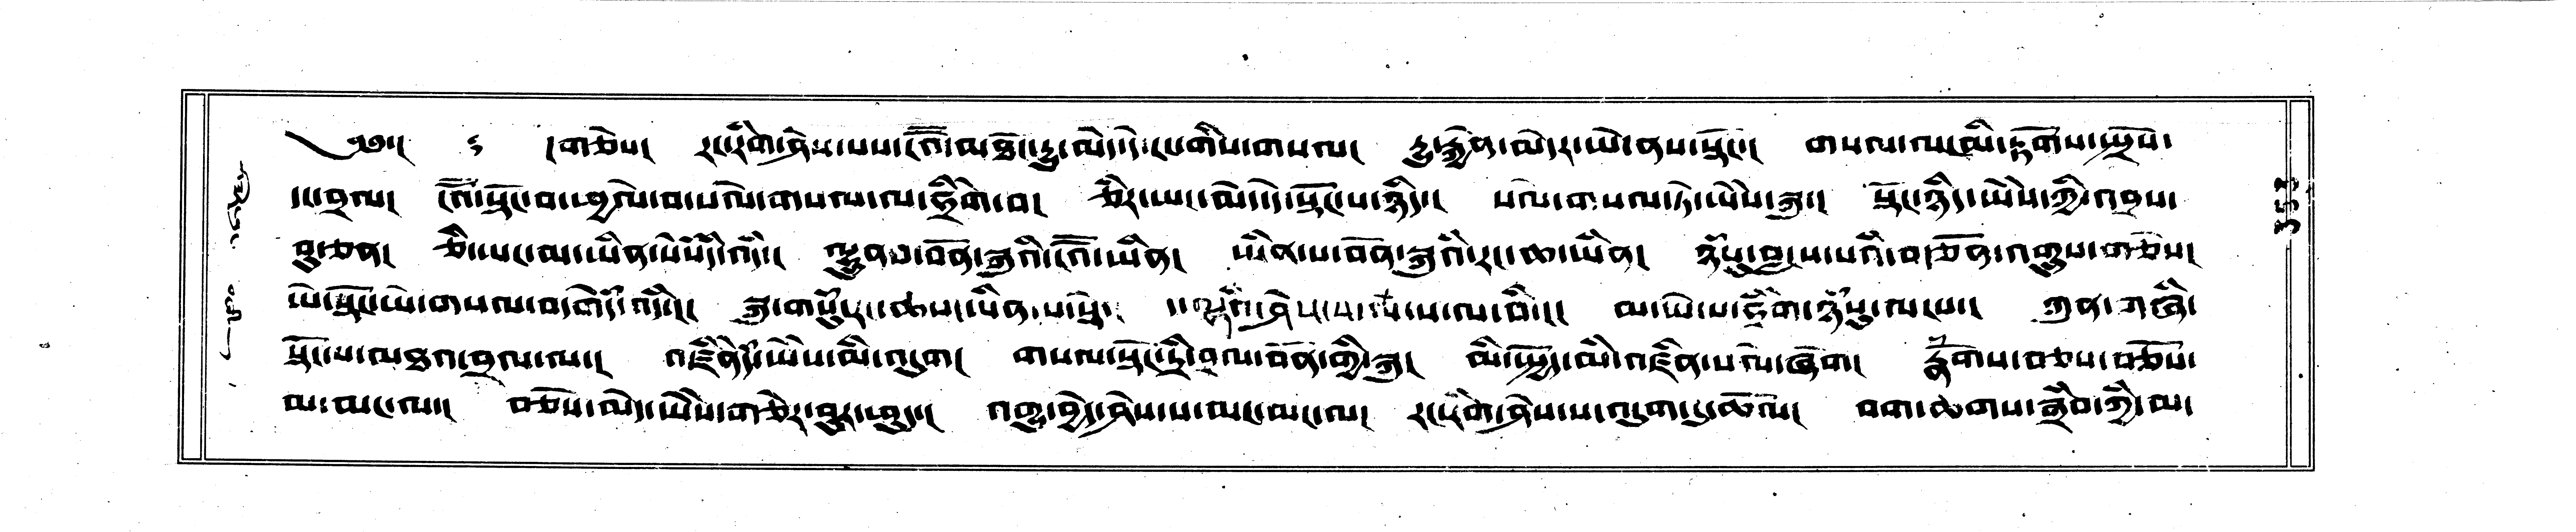གཅེས། རང་རིག་ཤེས་པའི་ངོའོ་དེ། མཐོང་རྒྱུ་མེད་དེ་ངང་གི་གསལ། རྒྱུ་རྐྱེན་མེད་པས་ཡེ་ནས་སྟོང་། གསལ་ལ་མི་རྟོག་སྤྲོས་
དང་བྲལ། ངོའོ་སྟོང་པ་ཕྱལེ་བ། སལེ་གསལ་བ་ཧྲིེག་གེ་བ། ཅི་ཡང་མེད་དེ་སྟོང་པ་ཉིད། སལེ་གསལ་ཏེ་ཡེ་ཤེས་སྐུ། སྟོང་ཉིད་ཡེ་ཤེས་ཀྱིས་འབྲས་
བུ་ཅན། ཅི་ཡང་མ་ཡིན་སེམས་ཉིད་འདི། ལྷུན་གྲུབ་བོན་སྐུའི་ངོའོ་ཡིན། དེ་ནས་བོན་སྐུ་རང་ཆས་སྟེ། ཉམས་སུ་བླངས་པའི་བརྩོན་འགྲུས་གཅེས།
ཡེ་སྟོང་ཡེ་གསལ་བདག་ཉིད་འདི། སྐུ་གསུམ་རང་ཆས་ཡིན་པ་སྟེ། ད་ལྟའི་ཤེས་པ་སལེ་བ། མ་ཡེངས་ཧྲིག་གེ་ཉམས་སུ་ལོང་། ཀུན་གཞི་
སྟོང་པ་མཐའ་བྲལ་ལ། འཛིན་མེད་ཡེ་ཤེས་མི་པོ་༼ཕོ༽འདུག གསལ་སྟོང་དྲི་བྲལ་བོན་གྱིས་སྐུ། མི་སྤྱོད་མི་འཛིན་སལེ་ཞོག རྣམ་རྟོག་བཅས་བཅོས་
མ་མང་ལ། བཅོས་མེད་ཡེ་ཤེས་ཅེར་བུར་ཕུད། འགྱུ་བྱེད་རྐུན་བུ་མ་མང་ལ། རང་རིག་ཤེས་པ་འདུག་དུ་ཆོལ། བག་ཆགས་སྤྲིན་གྱིས་མ་